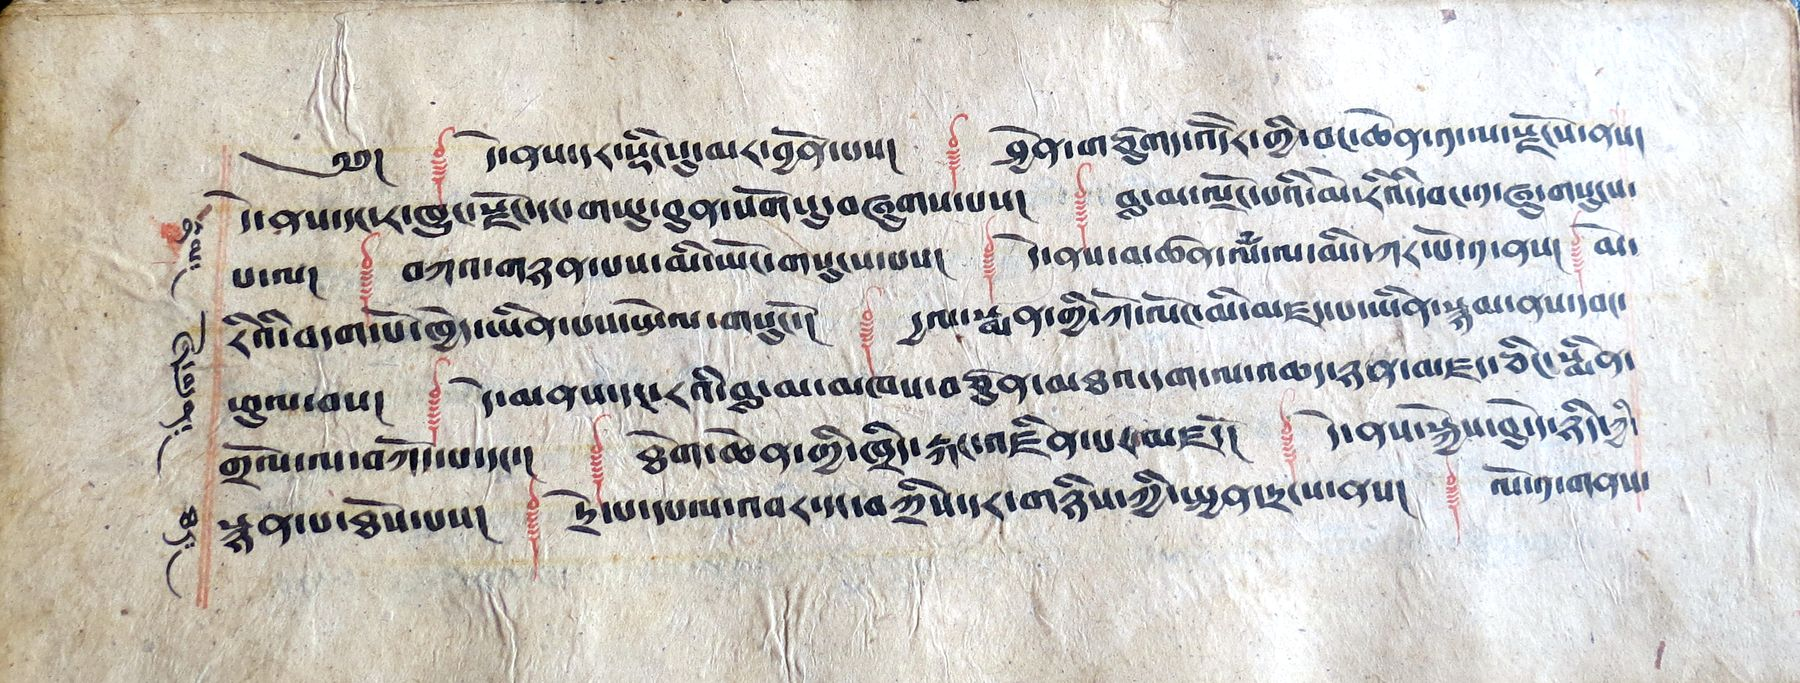དེ་ནས་དར་སྡིངས་སུ་མར་བྱོན་པས། གཤེན་གཙུག་ཕུད་འོད་ཟེར་གྱི་བང་ཆེན་གཅིག་ལ་བརྫངས་ནས་
དེ་ནས་དང་ར་ཁྱུང་རྫོང་དང་གཡུ་བུན་སོགས་སུ་བཞུགས་པས། བླ་མ་ལྔོང་པའི་མེ་རིའི་དབང་ཅིག་ཞུ་གསུངས་
པ་ལ། བཀའ་གཉན་པས་མི་ཡོང་གསུངས་པས། དེ་ནས་མཚན་ལམ་ལ་མི་དཀར་པོ་ཞིག་ནས་མེ་
རིའི་བདག་པོ་ཁྱེད་ཡིན་པས་སྤེལ་གསུངས་སོ། ། རྒྱལ་སྨན་གྱིས་ཀོ་ལོང་མི་མཛད་པ་ཡིན་སྙམ་ནས་དབང་
ཕུལ་བས། དེ་མན་ནས་དང་རའི་བླ་མ་མཁས་བཙུན་མཐའ་དག་ལ་འཆད་ཉན་མཛད་ཅིང་སྨིན་
གྲོལ་ལ་བཀོད་པ་དང་། ཐེག་ཆེན་གྱི་ཁྲིད་རྐང་འཛིན་པར་མཛད་དོ། དེ་ནས་སྐྱེས་བུ་དེ་ཉིད་ཀྱི་
སྙན་པ་ཐོས་པས། ཏྲེ་པ་དཔལ་འབར་དང་བཀྲ་ཤིས་དར་གཉིས་ཀྱིས་སྤྱན་དྲངས་ནས། ལོ་གཅིག་གནས་